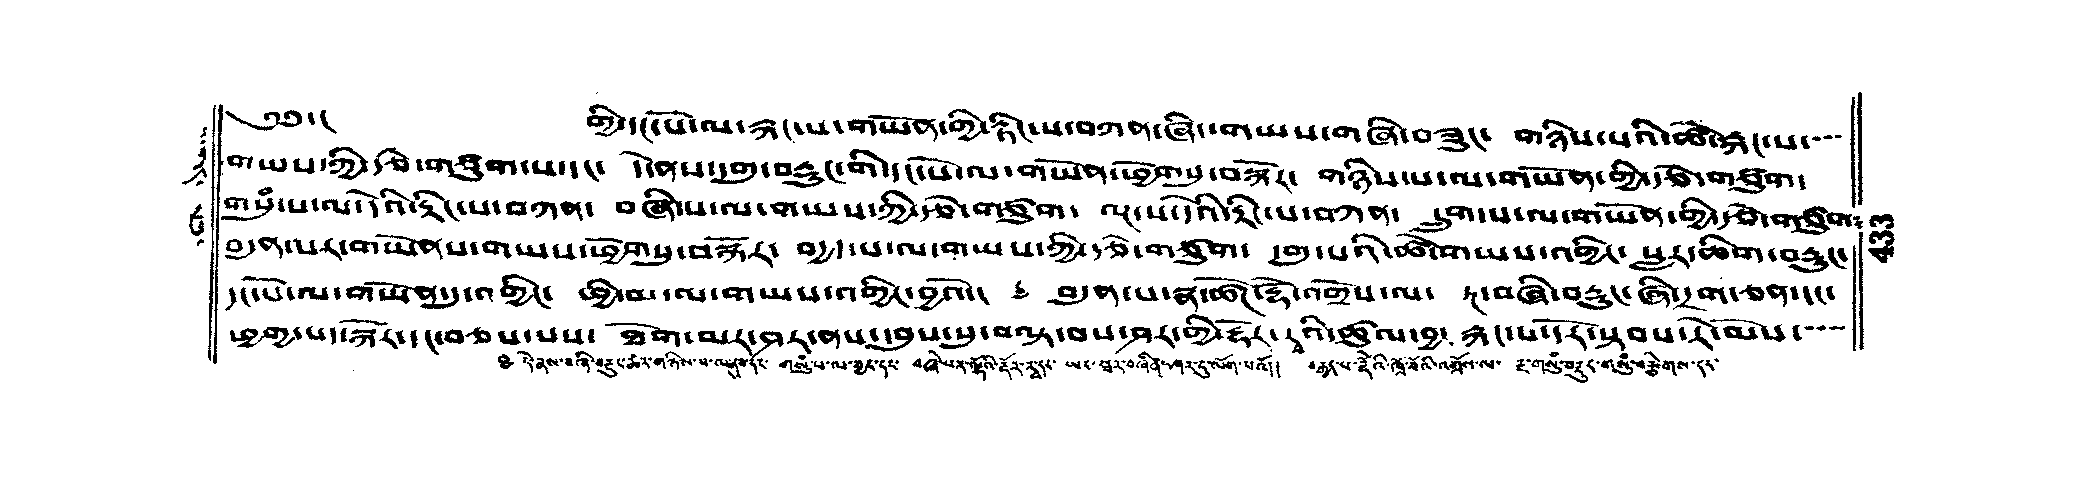གྱི་དང་པོ་ལ་རྐང་པ་གཡོན་གྱི་རྟིང་པ་བཀན་ཞིང་གཡས་གཞི་བཟུང་། གཉིས་པའི་ཚེ་རྐང་པ་
གཡས་ཀྱི་རྩེ་བཙུག་པ་དང་། དེ་ནས་དགུ་བརྡུང་གི་དང་པོ་ལ་གཡོན་ཕྱོགས་སུ་བསྐོར། གཉིས་པ་ལ་གཡོན་གྱི་རྩེ་བཙུག་
གསུམ་པ་ལ་དེའི་རྟིང་པ་བཀན། བཞི་པ་ལ་གཡས་ཀྱི་རྩེ་བཙུག་ལྔ་པ་ལ་དེའི་རྟིང་པ་བཀན། དྲུག་པ་ལ་གཡོན་གྱི་རྩེ་བཙུག་བདུན་པར་གཡོན་ནས་གཡས་ཕྱོགས་སུ་བསྐོར། བརྒྱད་པ་ལ་གཡས་ཀྱི་རྩེ་བཙུག་དགུ་པའི་ཚེ་གཡས་འགྱིང་། སླར་ཚིག་བརྡུང་
དང་པོ་ལ་གཡོན་དུ་འགྱིང་། ཕྱི་མ་ལ་གཡས་འགྱིང་བྱའོ། དེ་ནས་བཞི་བརྡུང་ཚར་གཉིས་པ་ལ་ནུབ་དང་། གསུམ་པ་ལ་བྱང་དང་། བཞི་པ་ལ་ལྷོའི་རྡོར་རྭ་དང་། ཡང་སྦར་བཞིན་ཤར་དུ་ལོག་པའོ། བརྒྱད་པ་རྡོ་རྗེའི་ཁྲོ་བོའི་འགྲོས་ལ། རྔ་གསུམ་བརྡུང་གསུམ་བརྩེགས་དང་། བདུན་པ་སྣ་ཚོགས་རྡོ་རྗེ་འགྲོས་ལ། རྔ་བཞི་བརྡུང་ཞི་དྲག་ཅན་དང་
ཕྱག་རྒྱ་པད་སྐོར་དང་བཅས་པས། ཐོག་མར་ཤར་ནས་དབུས་སུ་བལྟ་བས་ཤར་གྱི་རྡོར་རྭའི་ཚུལ་བྱ་རྐང་པ་དོར་སྟབས་རེ་མོས་